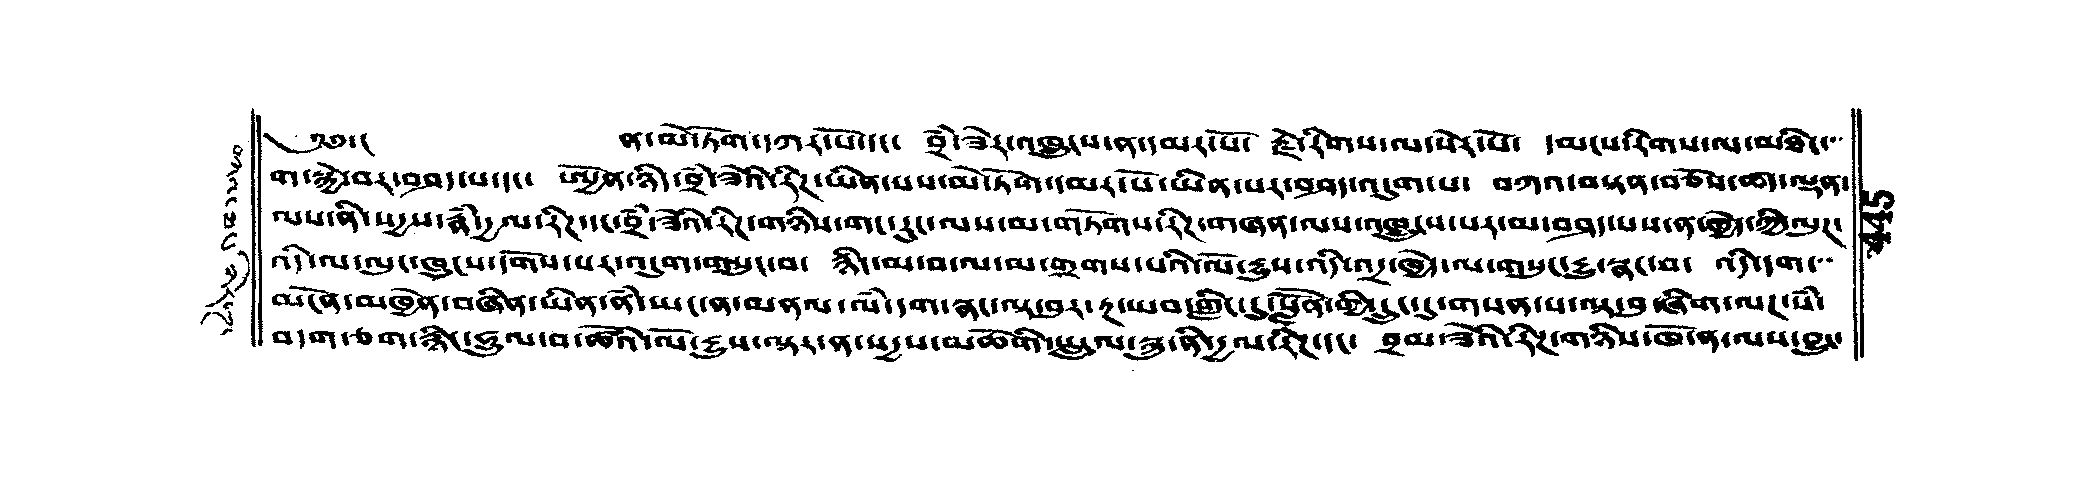ན་མེ་ཏོག་དཀར་པོ་དང་། བྲམ་ཟེར་འཁྲུངས་ན་དམར་པོ། རྗེ་རིགས་ལ་སེར་པོ། དམངས་རིགས་ལ་མཐིང་
ག་སྐྱེ་བར་བཤད་པ་དང་། ཨོ་རྒྱན་ཉིད་བྲམ་ཟེའི་རིགས་ཡིན་པས་མེ་ཏོག་དམར་པོ་ཡིན་པར་བཤད་འདུག་པ། བཀའ་བསྟན་བཅོས་ཚད་ལྡན་
ལས་ནི་སངས་རྒྱས་རྣམས་རྒྱལ་རིགས་དང་བྲམ་ཟེའི་རིགས་གཉིས་གང་རུང་ལས་མ་གཏོགས་རིགས་གཞན་ལས་འཁྲུངས་པར་མ་བཤད་པས་ན་ཁྱེད་ཀྱི་ལུགས་
འདི་ལ་ལུང་ཁུངས་དགོས་པར་འདུག་གསུང་བ། རྙིང་མ་བ་ལ་མ་གྲགས་པའི་ལོ་རྒྱུས་འདི་འདྲ་ཁྱེད་ལ་གསུང་རྒྱུ་སྣང་བ། འདི་དག་
མངོན་མཁྱེན་བཞིན་ཡིན་ནམ་ཡང་ན་མནལ་ལམ་དག་སྣང་ལྟ་བུར་རྔ་ཡབ་གླིང་དུ་སློབ་དཔོན་གྱི་དྲུང་དུ་གསན་པ་ལྟ་བུ་ཞིག་ལགས་སམ་
བདག་ཅག་རྙིང་ཧྲུལ་བ་ཚོའི་ལོ་རྒྱུས་ལྟར་ན་སངས་རྒྱས་མཆོག་གི་སྤྲུལ་སྐུ་ནི་རྒྱལ་རིགས་དང་།བྲམ་ཟེའི་རིགས་གཉིས་ཁོ་ན་ལས་བྱུང་